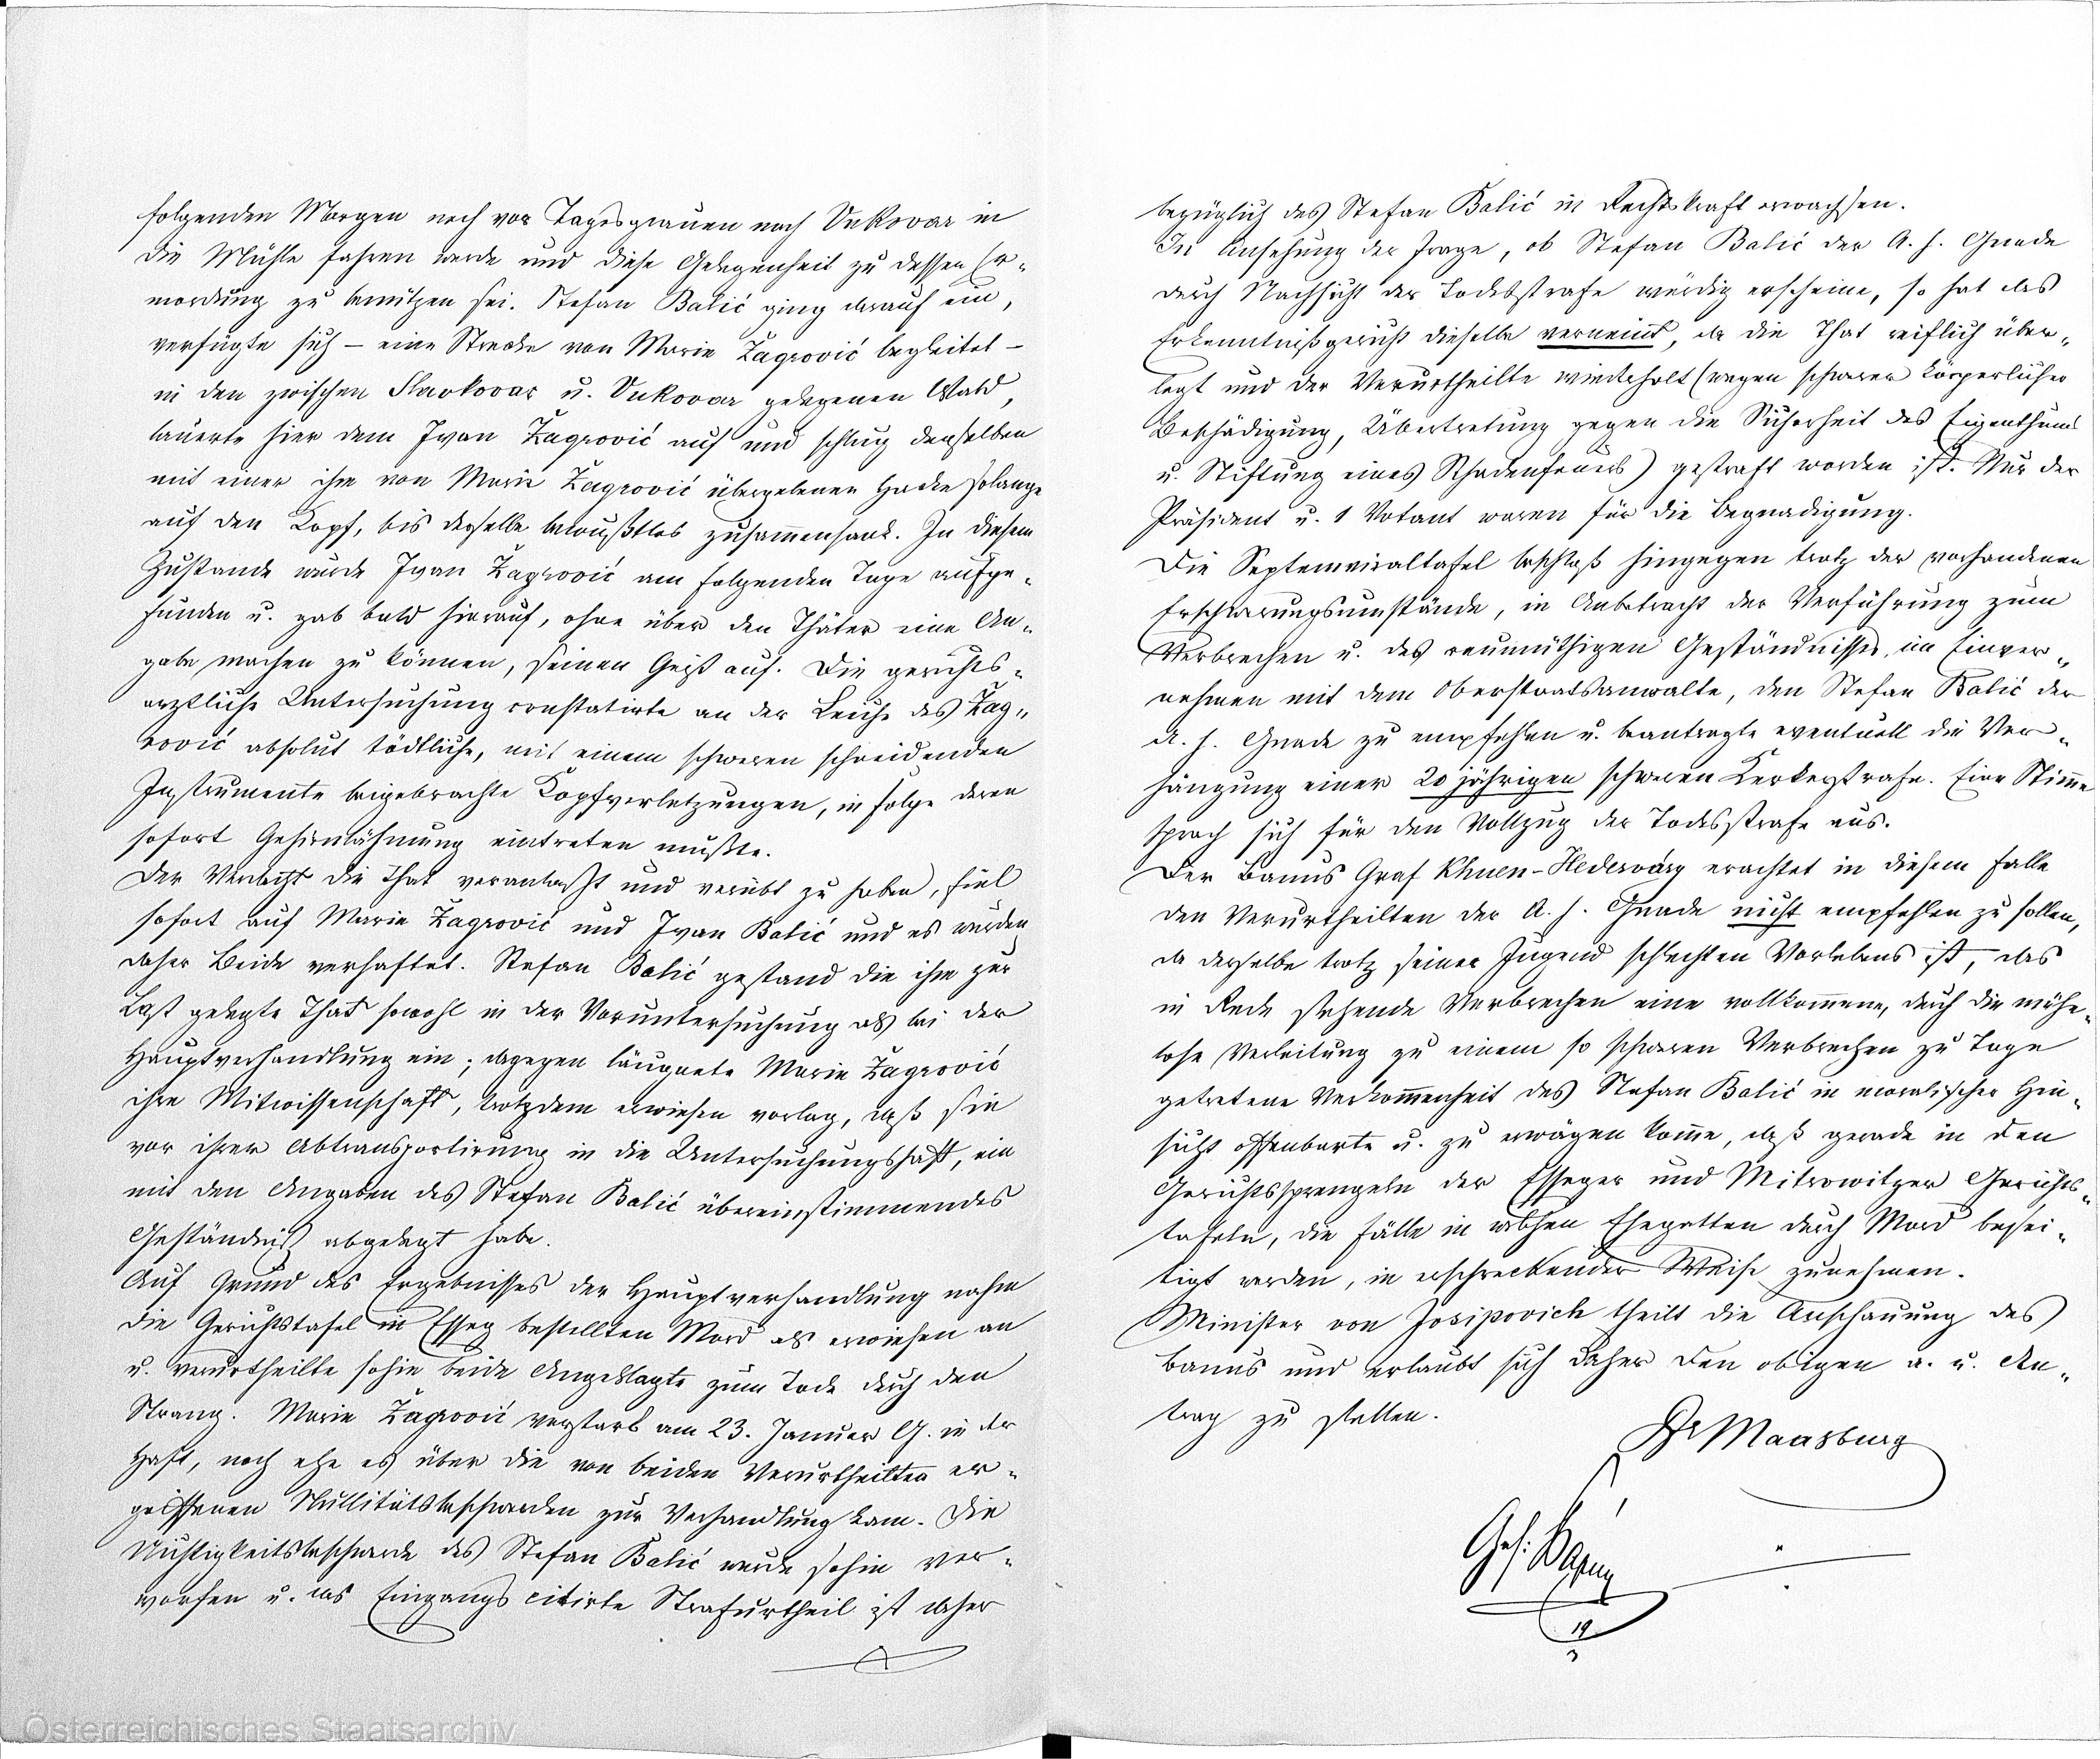folgenden Morgen nach vor Tagesgrauen nach Vukovar in
die Mühle fahren werde und diese Gelegenheit zu dessen Er¬
mordung zu benützen sei. Stefan Balić ging drauf ein,
verfügte sich - eine Strecke von Marie Zagrović begleitet -
in den zwischen Slavkovac u. Vukovar gelegenen Wald,
lauerte hier dem Ivan Zagrović auf und schlug derselben
mit einer ihm von Marie Zagrović übergebenen Hacke solange
auf den Kopf, bis derselbe bewußtlos zusammensank. In diesem
Zustande wurde Ivan Zagrović am folgenden Tage aufge¬
funden u. gab bald hierauf, ohne über den Thäter eine An¬
gabe machen zu können, seinen Geist auf. Die gerichts¬
arztliche Untersuchung constatirte an der Leiche des Zag¬
rović absolut tödtliche, mit einem schweren schneidenden
Instrumente beigebrachte Kopfverletzungen, in folge deren
sofort Gehirnlähmung eintreten mußte.
Der Verleiht die That veranlaßt und verübt zu haben, fiel
sofort auf Marie Zagrović und Ivan Balić und es wurden
daher Beide verhaftet. Stefan Balić gestand die ihm zur
Last gelegte That sowohl in der Voruntersuchung als bei der
Hauptverhandlung ein; dagegen läugnete Marie Zagrović
ihre Mitwissenschaft, trotzdem erwiesen vorlag, daß sie
vor ihrer Abtransportirung in die Untersuchungshaft, ein
mit den Angaben des Stefan Balić übereinstimmendes
Geständnis abgelegt habe.
Auf Grund des Ergebnisses der Hauptverhandlung nahm
die Gerichtstafel in Esseg bestellten Mord als erwiesen an
u. verurtheilte sohin beide Angeklagte zum Tode durch den
Strang. Marie Zagrović verstarb am 23. Januar G. in der
Hast, nach ehe es über die von beiden Verurtheilten er¬
griffenen Nullitätsxxschwerden zur Verhandlung kam. Die
Nichtigkeitsbeschwerde des Stefan Balić wurde sohin ver¬
worfen u. des Eingangs citirte Strafurtheil ist daher
bezüglich des Stefan Balić in Rechtskraft erwachsen.
In Ansehung der Frage, ob Stefan Balić der A.h. Gnade
durch Nachsicht der Todesstrafe würdig erscheine, so hat das
Erkenntnißgericht dieselbe verneint, xx die That reiflich über¬
legt und der Verurtheilte windeholt (engen schwerer körperlicher
Beschädigung, Übertretung gegen die Sicherheit des Eigenthums
u. Stiftung eines Schadenfraus) gestraft worden ist. Nur der
Präsident u. 1 Votant waren für die Begnadigung.
Die Septemvialtafel beschloß hingegen trotz der vorhandenen
Erschwerungsumstände, in Anbetracht der Verführung zum
Verbrechen u. des reumüthigen Geständnisses, im Einver¬
nehmen mit dem Oberstaatsanwalte, den Stefan Balić der
A. h. Gnade zu empfehlen u. beantragte eventuell die Ver¬
hängung einer 20jährigen schweren Kerkerstrafe. Eine Stimme
sprach sich für den Vollzug der Todesstrafe aus.
Der Banus Graf Khuen-Hedervárg erachtet in diesem Falle
den Verurtheilten der A.h. Gnade nicht empfehlen zu sollen,
da derselbe trotz seiner Jugend schlechten Vorlebens ist, das
in Rede stehende Verbrechen eine vollkommene, durch die mühe¬
lose Verleitung zu einem so schweren Verbrechen zu Tage
getretene Verkommenheit des Stefan Balić in moralischer Hin¬
sicht offenbarte u. zu erwägen komme, daß gerade in den
Gerichtssprengeln der Esseger und Mitrowitzer Gerichts¬
tafeln, die Fälle in erbhen Ehegatten durch Mord besei¬
tigt werden, in erschreckender Weise zunehmen.
Minister von Josipovich theilt die Anschauung des
Banus und erlaubt sich daher den obigen a. u. An¬
trag zu stellen.
Dr Maasburg
Ges: xx